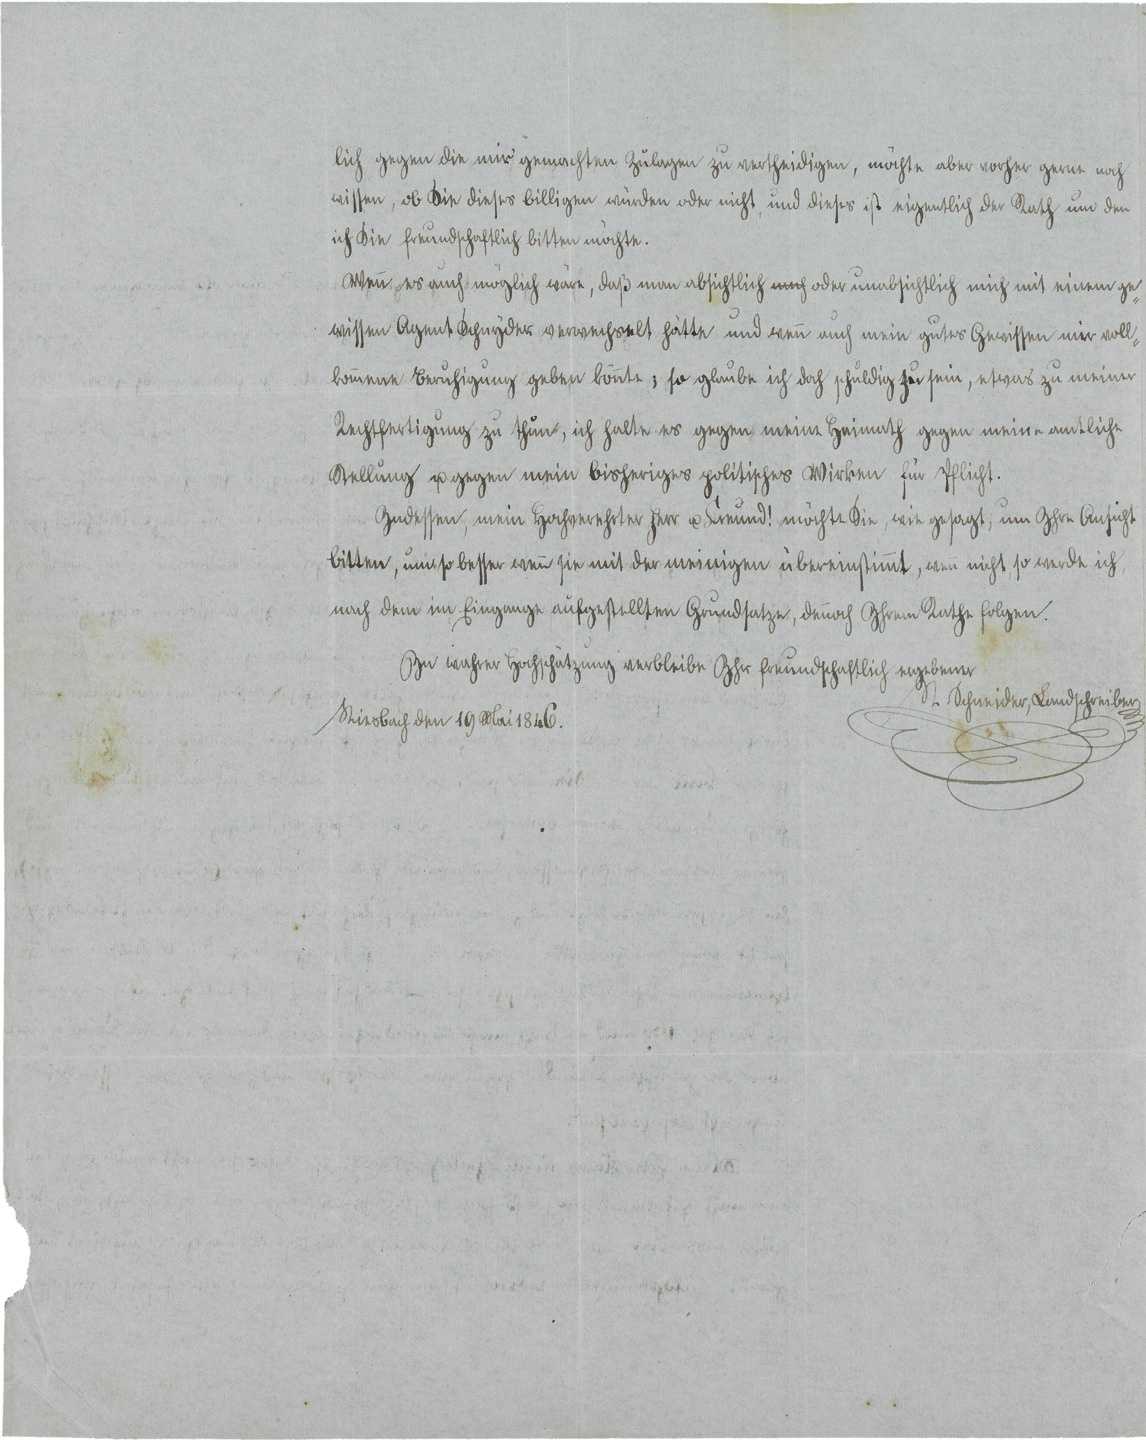lich gegen die mir gemachten Zulagen zu vertheidigen, möchte aber vorher gerne noch
wissen, ob Sie dieses billigen würden oder nicht, und dieses ist eigentlich der Rath um den
ich Sie freundschaftlich bitten möchte.
Wenn es auch möglich wäre, daß man absichtlich mich oder unabsichtlich mich mit einem ge-
wissen Agent Schnyder verwechselt hätte und wenn auch mein gutes Gewissen mir voll-
kommen Beruhigung geben könnte, so glaube ich doch schuldig zu sein, etwas zu meiner
Rechtfertigung zu thun, ich halte es gegen meine Heimath gegen meine amtliche
Stellung & gegen mein bisheriges politisches Wirken für Pflicht.
Indessen, mein hochverehrter Herr & Freund! möchte Sie, wie gesagt, um Ihre Ansicht
bitten, um so besser wenn sie mit der meinigen übereinstimmt, wenn nicht, so werde ich,
nach dem im Eingange aufgestellten Grundsatze, dennoch Ihrem Rathe folgen.
In wahrer Hochschätzung verbleibe Ihr freundschaftlich ergebener
R. Schneider, Landschreiber
Riesbach den 19 Mai 1846.